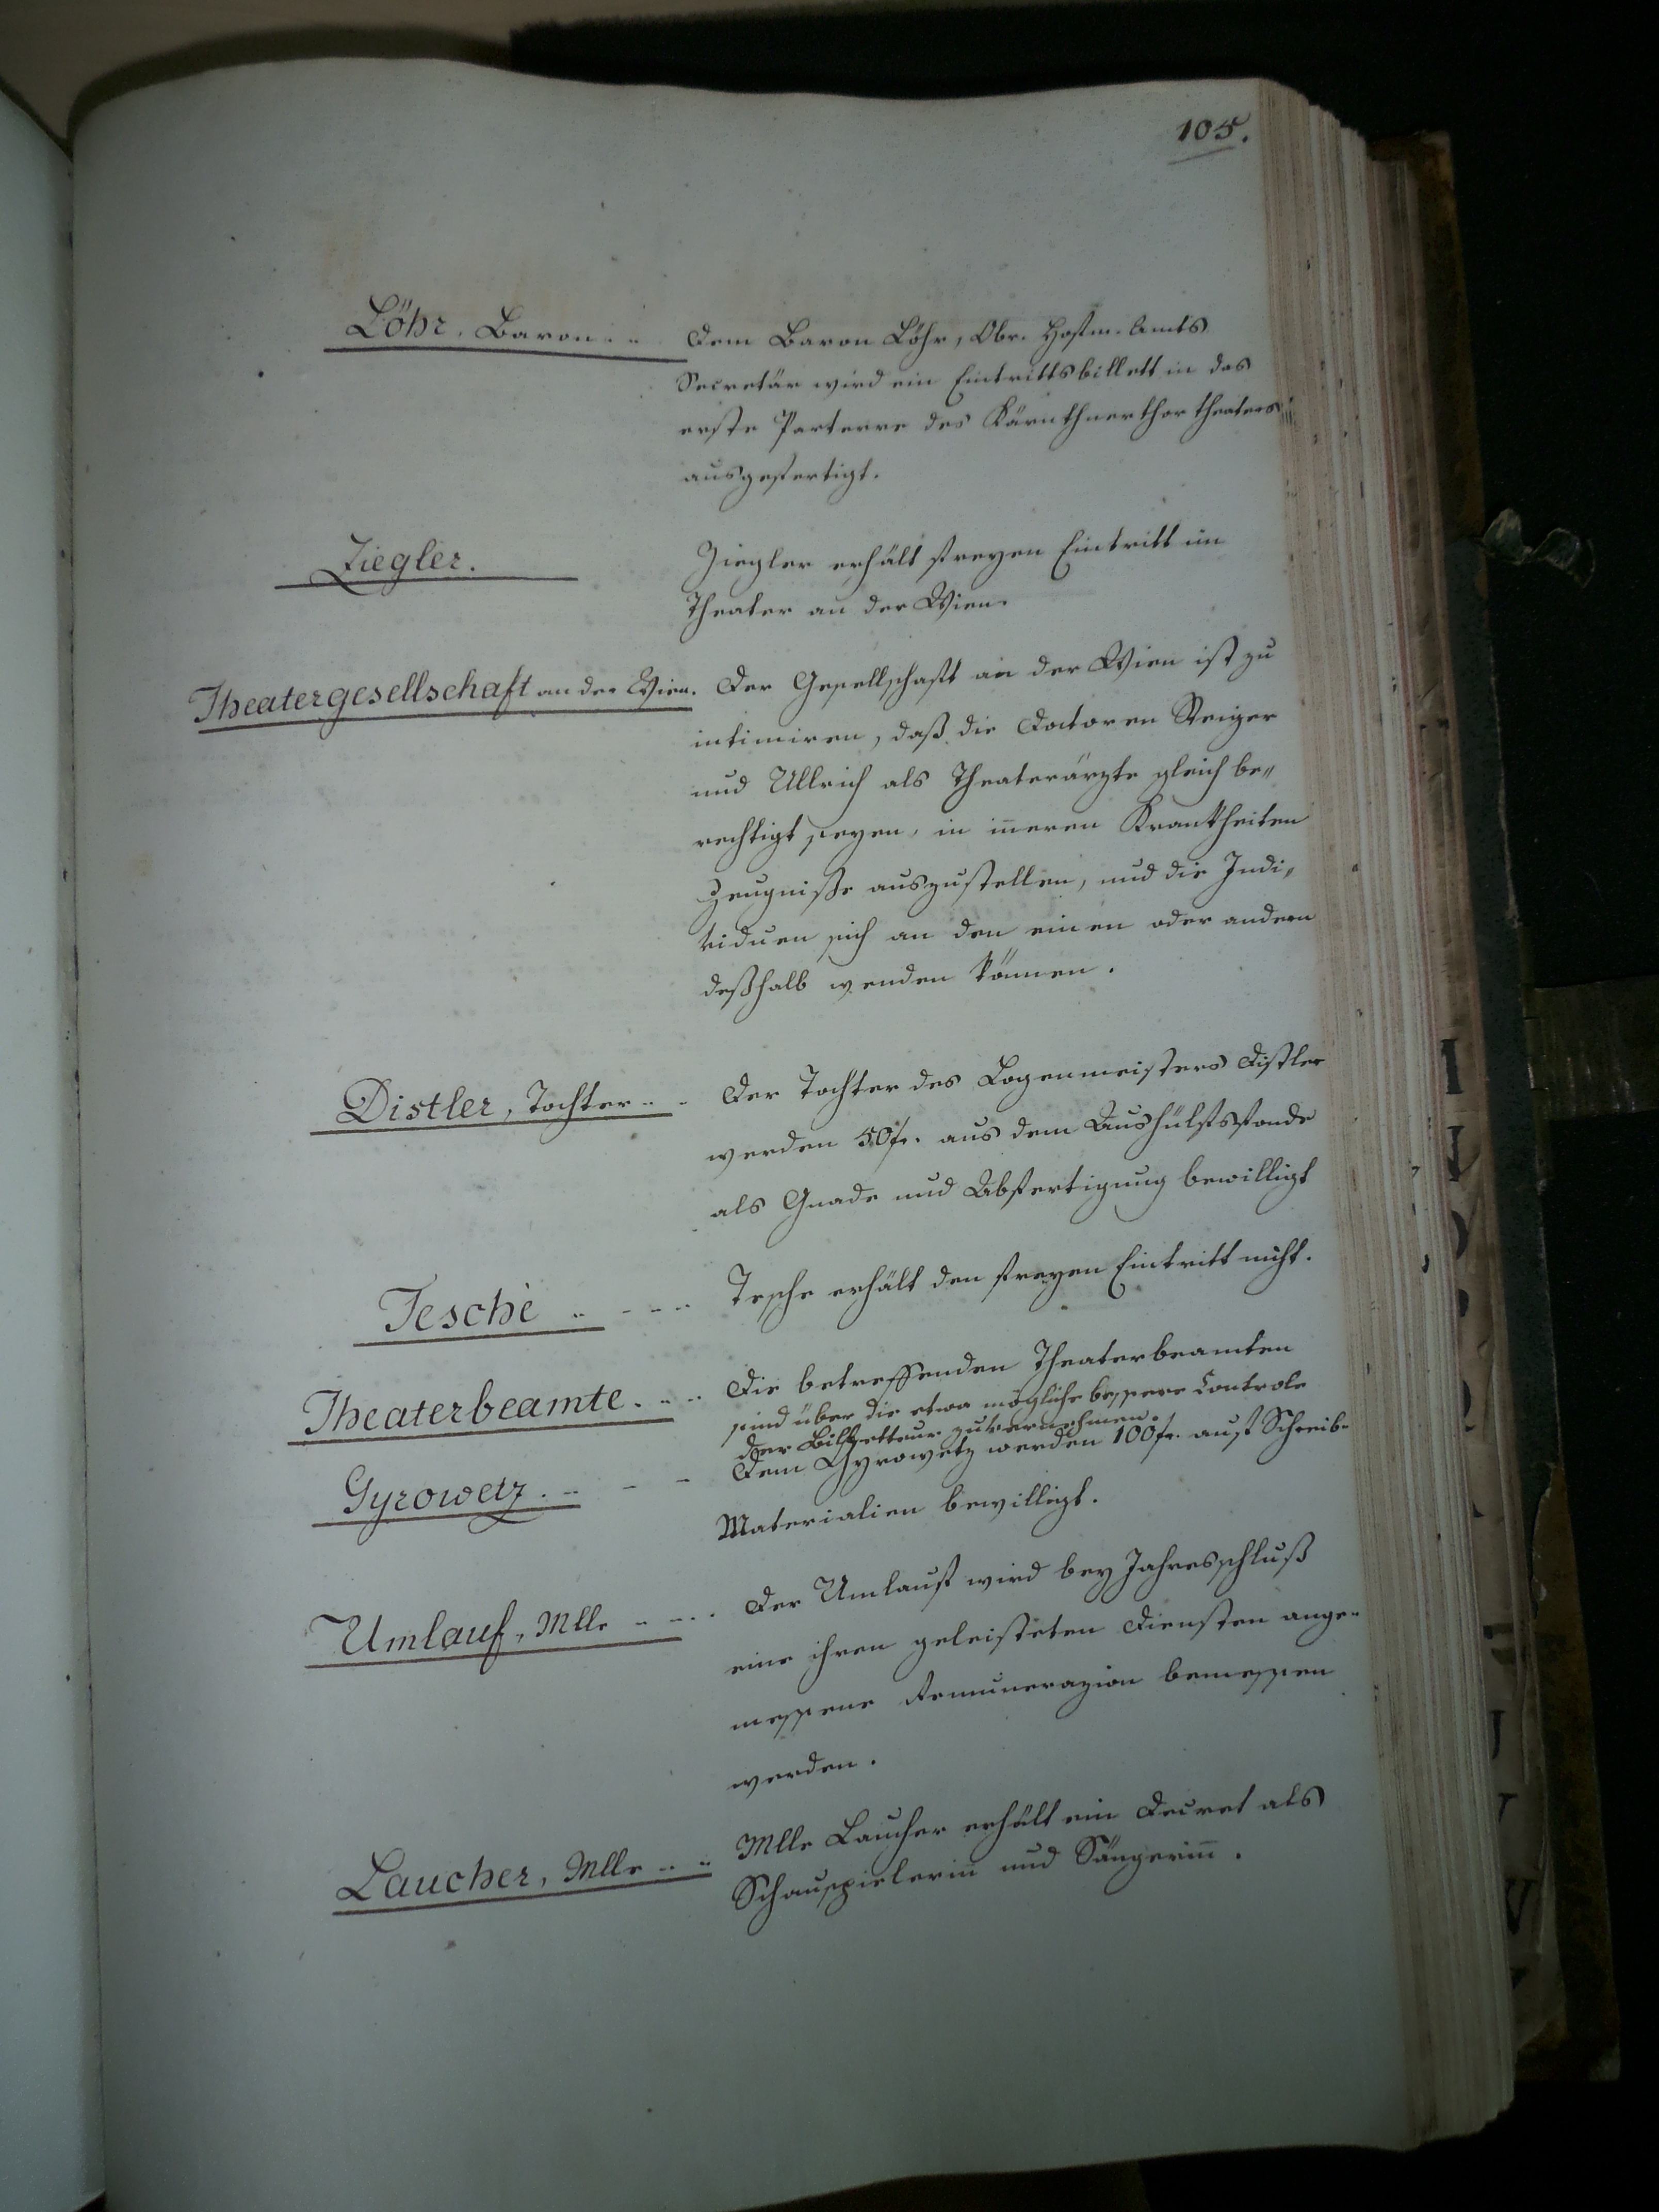105.
Löhr, Baron. .. Dem Baron Löhr, Obr. Hof. u. Amts
Secretär wird ein Eintrittsbillett in das
erste Parterre des Kärnthnerthor theaters
ausgefertigt.
Ziegler. Ziegler erhält freyen Eintritt im
Theater an der Wien.
Theatergesellschaft an der Wien. Der Gesellschaft an der Wien ist zu
intimiren, daß die Doctoren Steiger
und Ullrich als Theaterärzte gleich be¬
rechtigt seyen, in in̅eren Krankheiten
Zeugniße auszustellen, und die Indi¬
viduen sich an den einen oder andern
deßhalb wenden können.
Distler, Tochter .. .. Der Tochter des Logenmeistens Distler
werden 50fr. aus dem Aushülfsfonde
als Gnade und Abfertigung bewilligt
Tesche .. .. .. .. Tesche erhält den freyen Eintritt nicht.
Theaterbeamte . .. : Die betreffenden Theaterbeamten
sind über die etwa mögliche bessere Controle
der Billetteur zuvernehmen.
Gyrowetz. .. .. .. Dem Gyrowetz werden 100fr. auf Schreib¬
Materialien bewilligt.
Umlauf, Mlle. .. .. . . Der Umlauf wird bey Jahresschluß
eine ihren geleisteten Diensten ange¬
messene Remunerzion bemessen
wetden.
Laucher, Mlle .. .. Mlle Laucher erhält ein Decret als
Schauspielerin und Sängerin̅.